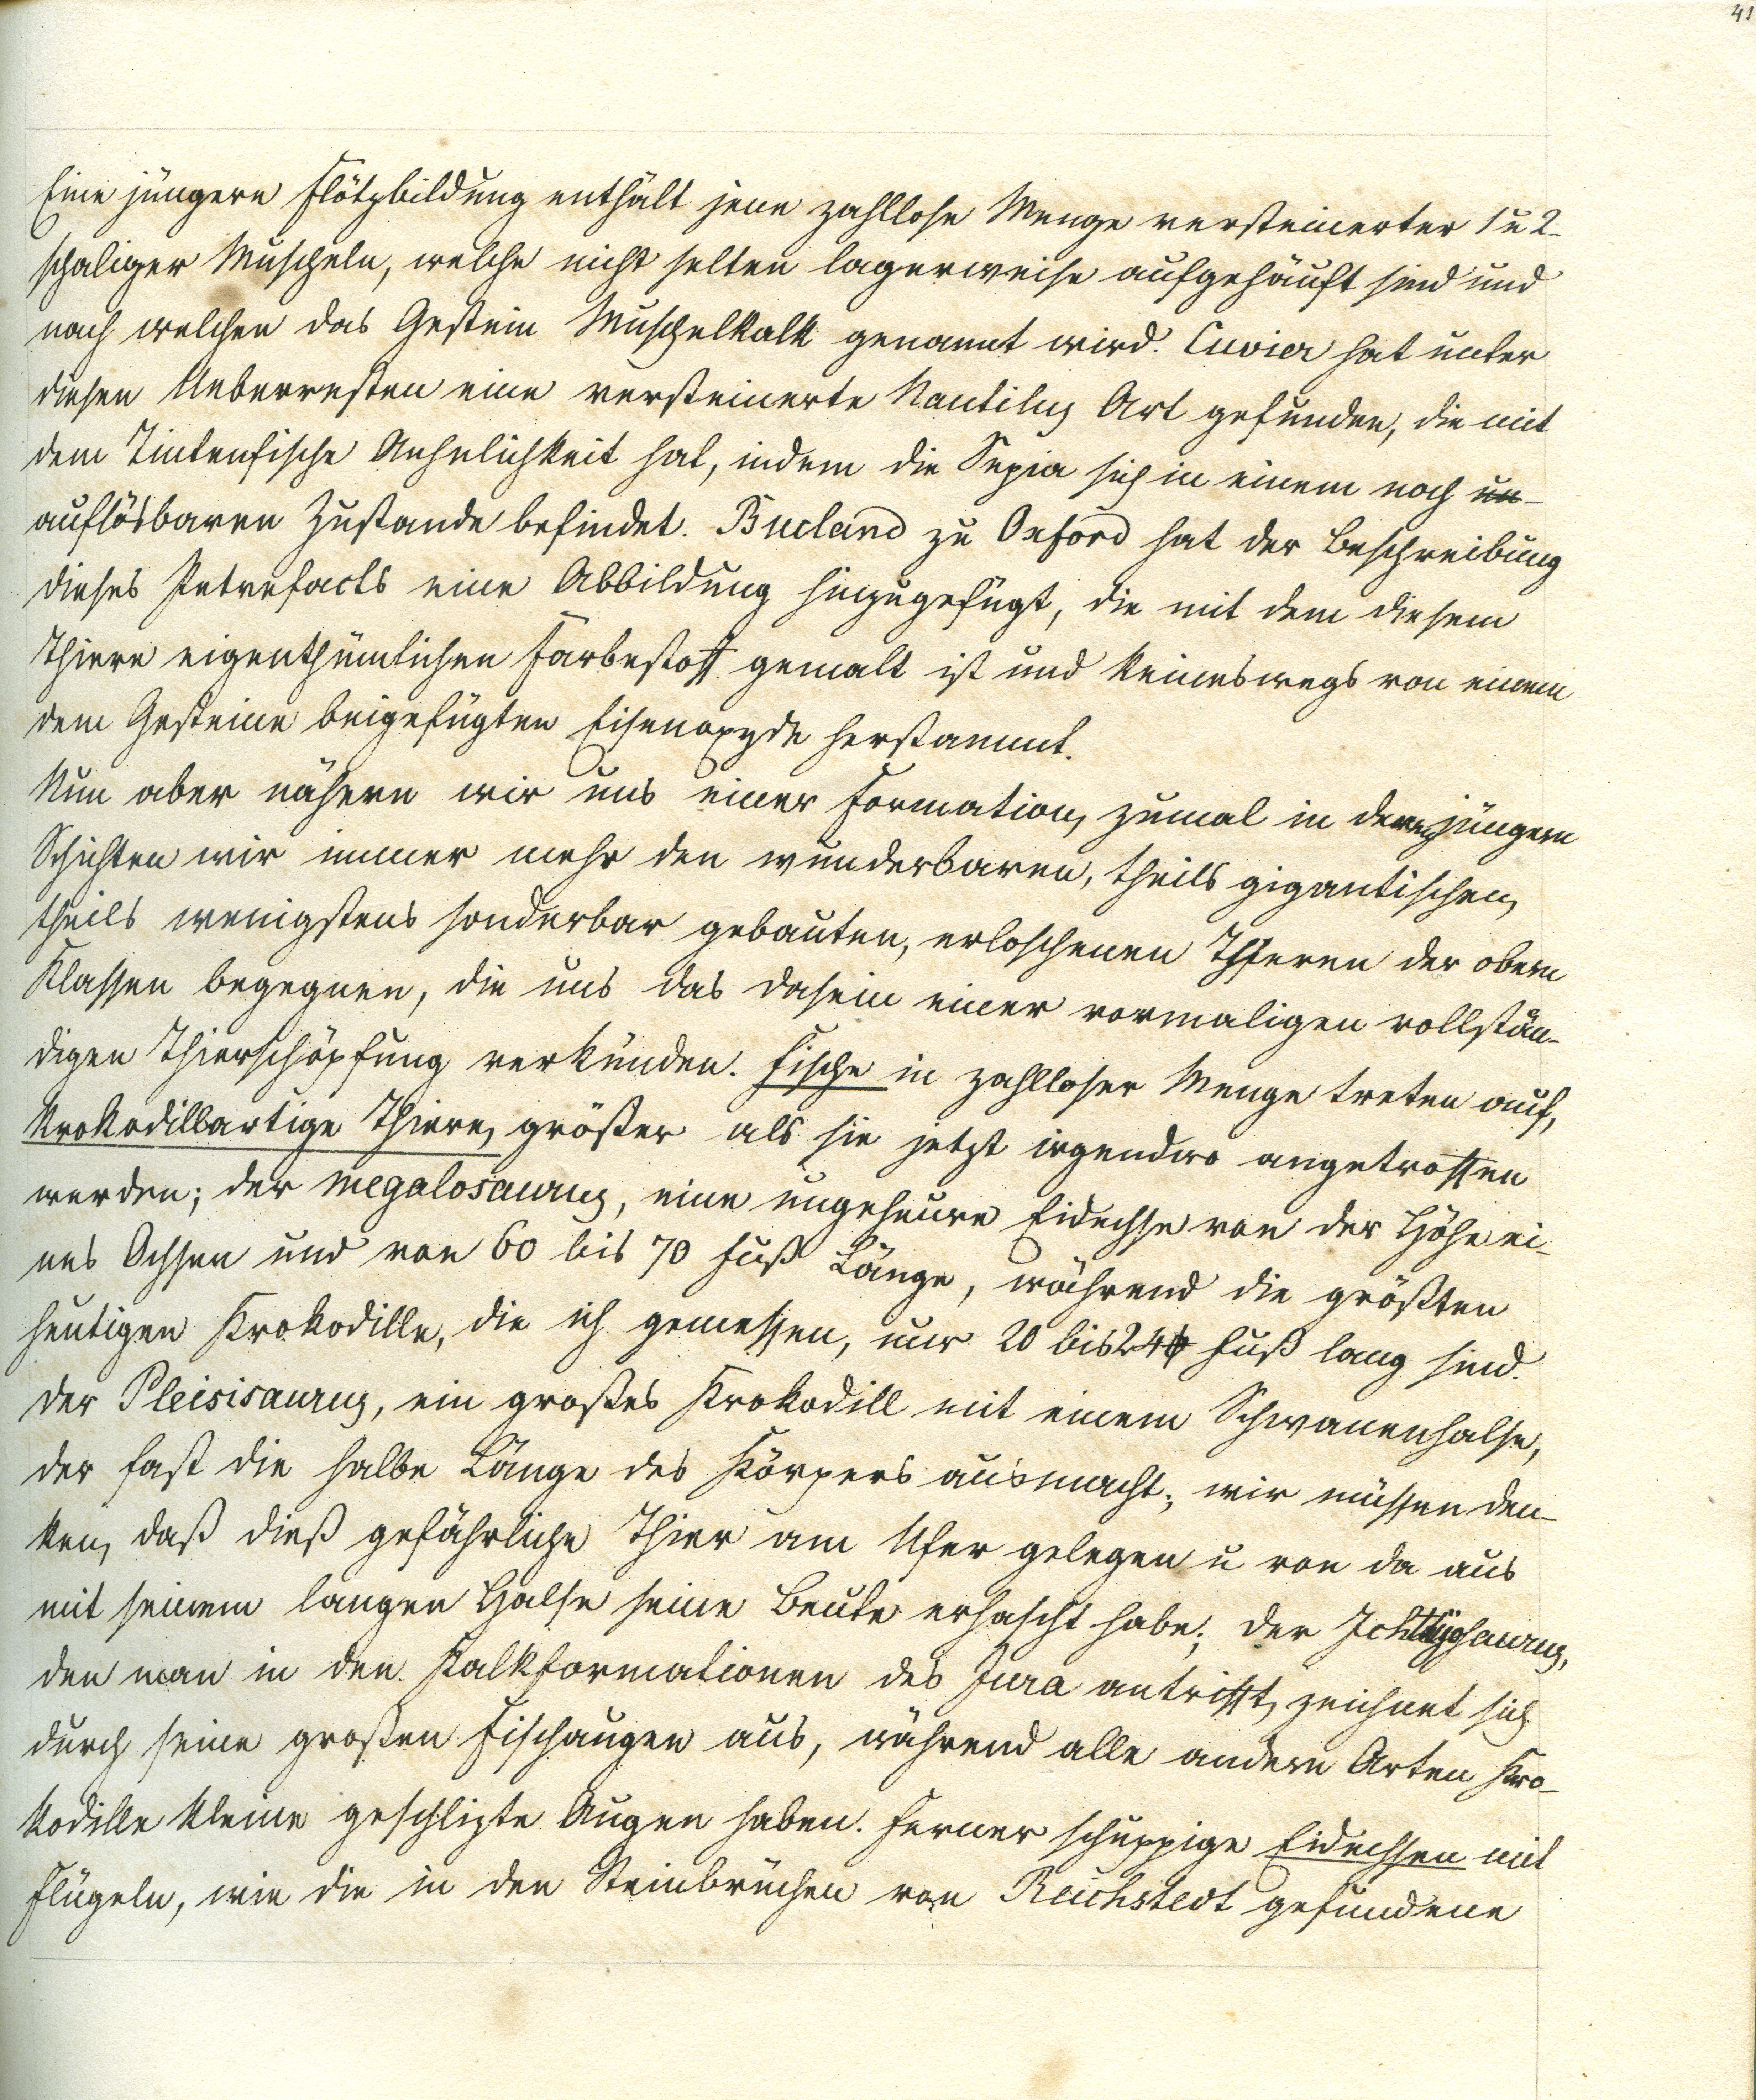Eine jüngere Flötzbildung enthält jene zahllose Menge versteinerter 1 u 2
schaliger Muscheln, welche nicht selten lagenweise aufgehäuft sind und
nach welchen das Gestein Muschelkalk genannt wird. Cuvier hat unter
diesen Ueberresten eine versteinerte Nautilus Art gefunden, die mit
dem Tintenfische Aehnlichkeit hat, indem die Sepia sich in einem noch un-
auflösbaren Zustande befindet. Bucland zu Oxford hat der Beschreibung
dieses Petrefacts eine Abbildung hinzugefügt, die mit dem diesem
Thiere eigenthümlichen Färbestoff gemalt ist und keineswegs etwa von einem
dem Gestein beigefügten Eisenoxyde herstammt.
Nun aber nähern wir uns einer Formation, zumal in denren jüngeren
Schichten wir immer mehr den wunderbaren, theils gigantischen,
theils wenigstens sonderbar gebauten, erloschenen Thieren der obern
Klassen begegnen, die uns das Dasein einer vormaligen vollstän-
digen Thierschöpfung verkünden. Fische in zahlloser Menge treten auf,
krokodillartige Thiere, größer als sie jetzt irgendwo angetroffen
werden; der megalosaurus, eine ungeheure Eidechse von der Höhe ei-
nes Ochsen und von 60 bis 70 Fuß Länge, während die größten
heutigen Krokodille, die ich je gemessen, nur 20 bis 240 Fuß lang sind.
Der Pleisiosaurus, ein großes Krokodill mit einem Schwanenhalse,
der fast die halbe Länge des Körpers ausmacht; wir müssen den-
ken, daß dieß gefährliche Thier am Ufer gelegen u von da aus
mit seinem langen Halse seine Beute erhascht habe; der Ichathÿosaurus,
den man in den Kalkformationen des Jura antrifft, zeichnet sich
durch seine großen Fischaugen aus, während andere Arten Kro-
kodille kleine geschlitzte Augen haben. Ferner schuppige Eidechsen mit
Flügeln, wie die in den Steinbrüchen von Reichstedt gefundene